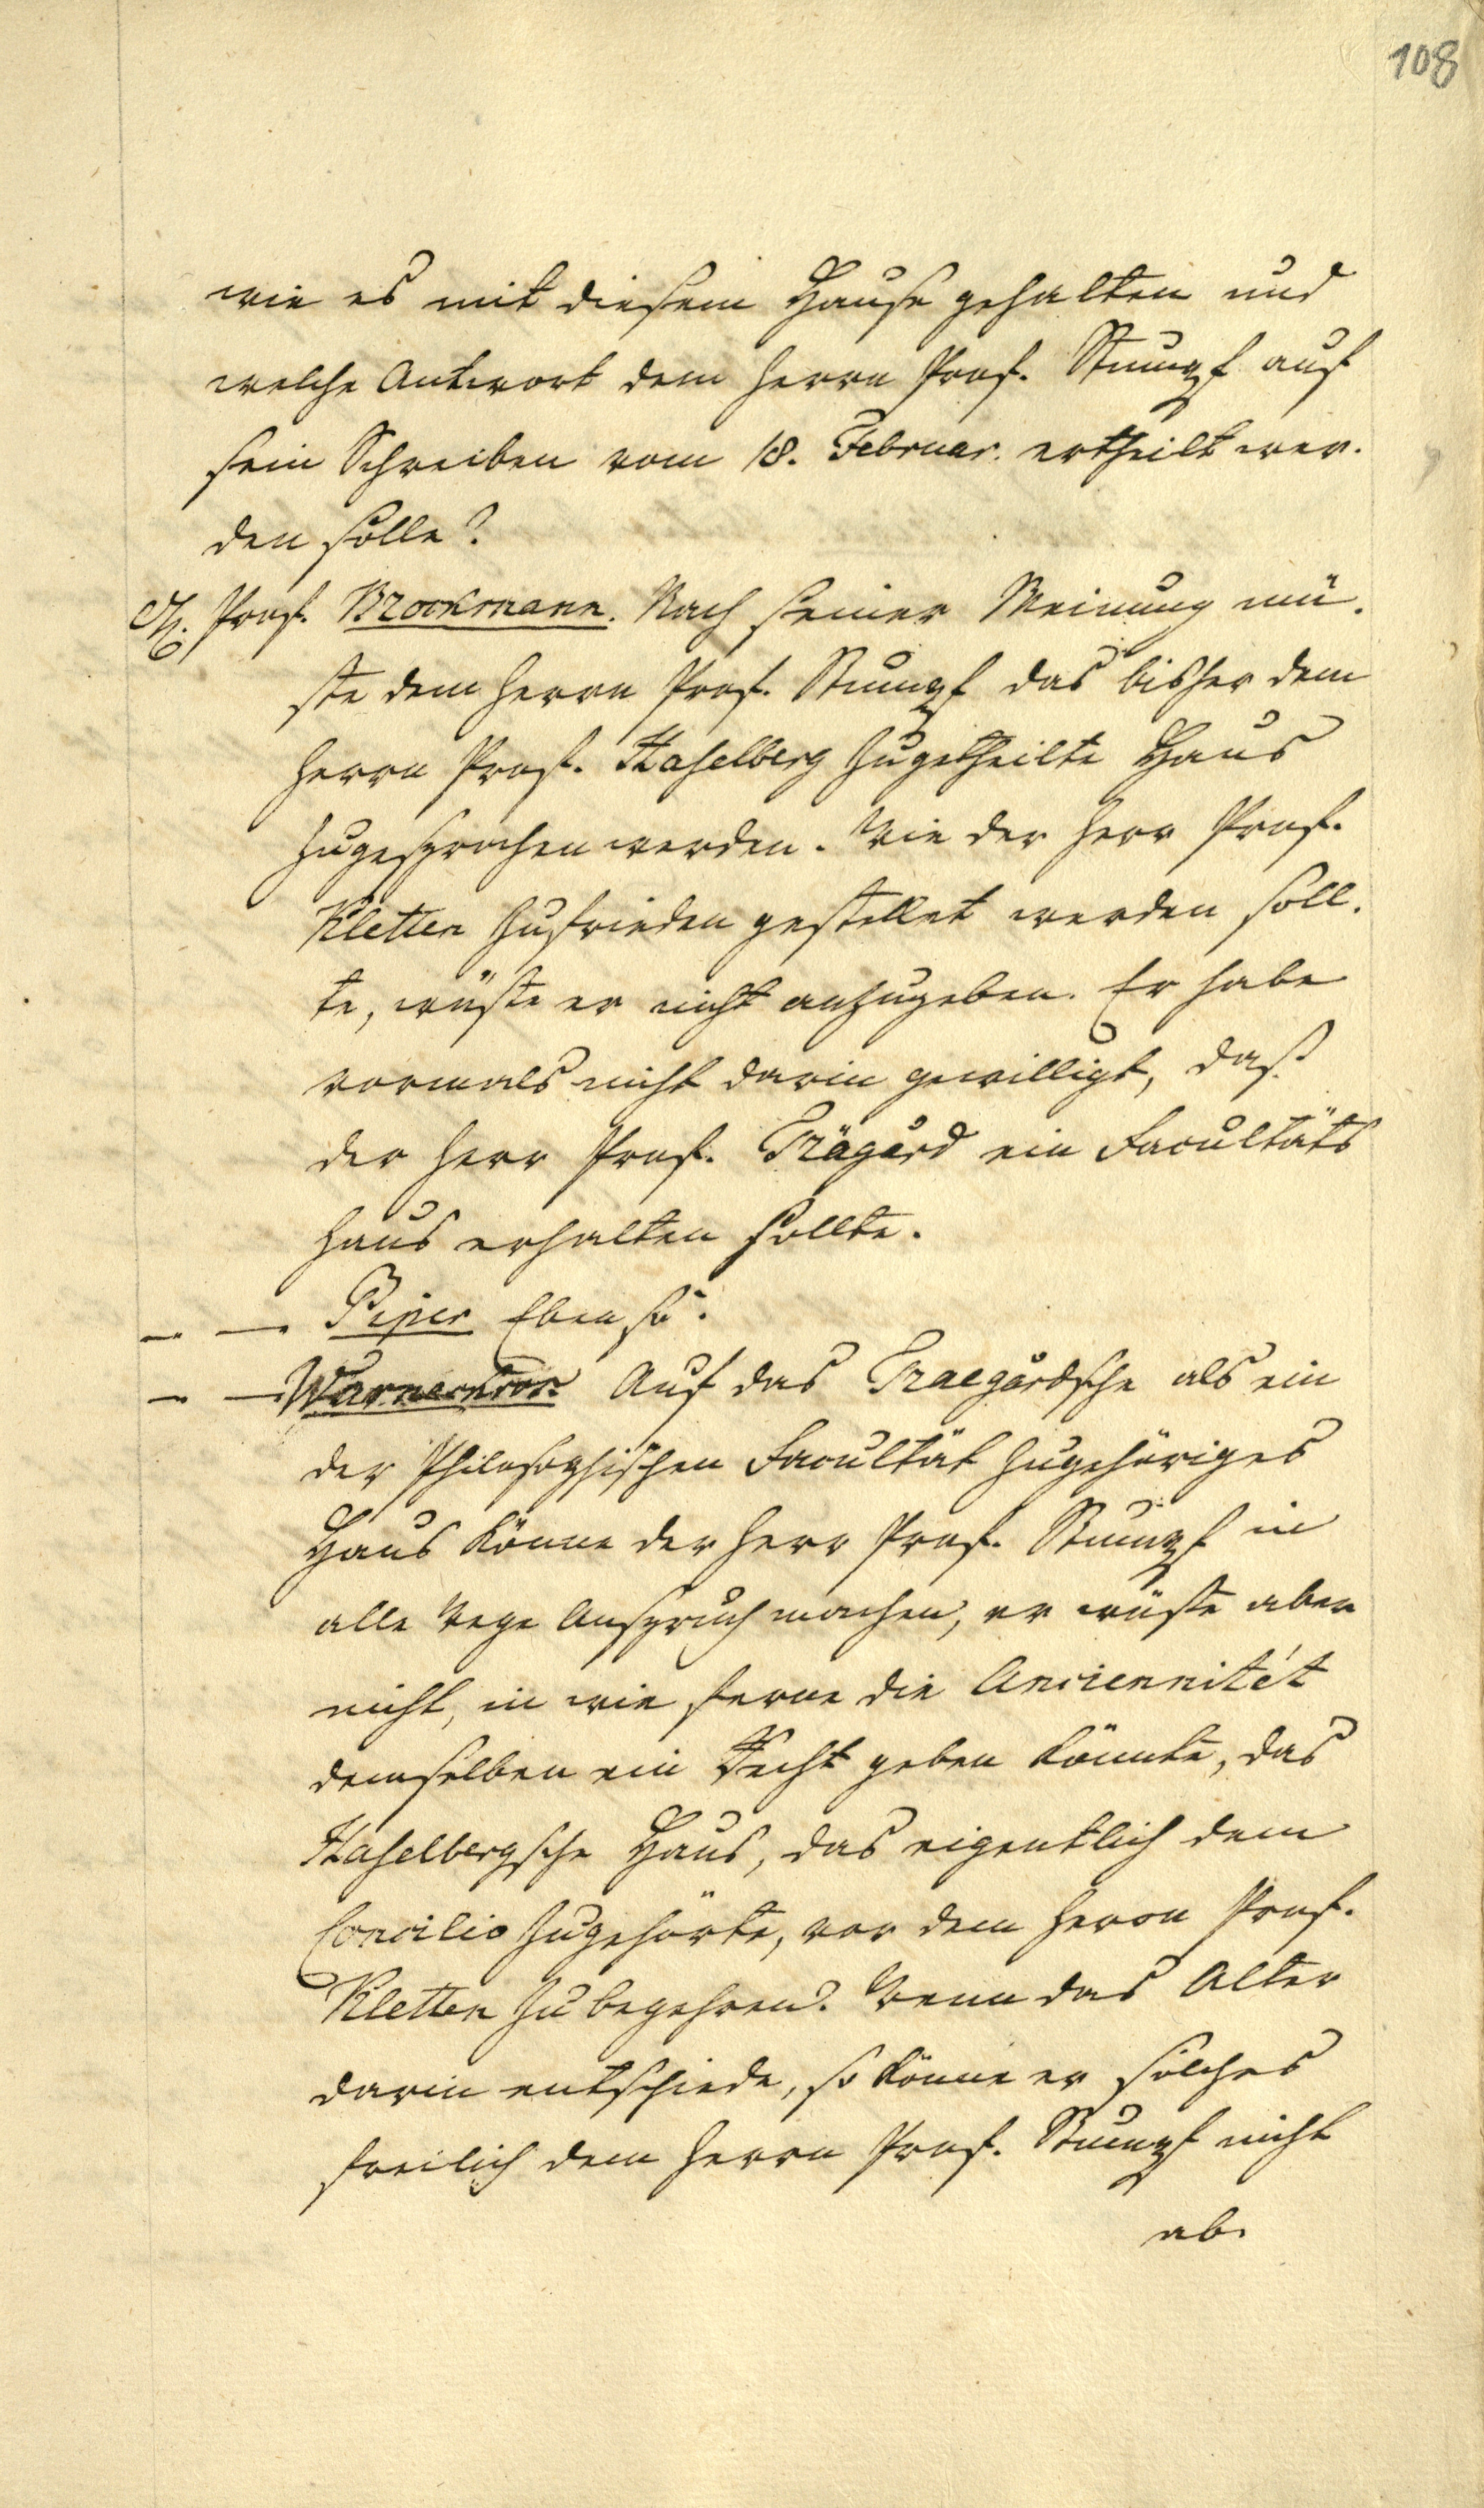wie es mit diesem Hause gehalten und
welche Antwort dem Herrn Prof. Stumpf auf
sein Schreiben vom 18. Februar. ertheilt wer¬
den solle?
dh. Prof. Brockmann. Nach seiner Meinung mü¬
ßte dem Herrn Prof. Stumpf das bisher dem
Herrn Prof. Haselberg zugetheilte Haus
zugesrochen werden. Wie der Herr Prof.
Kletten zufrieden gestellet werden soll¬
te, wüßte er nicht anzugeben. Er habe
vormals nicht darin gewilligt, daß
der Herr Prof. Trägård ein Facultäts
Haus erhalten sollte.
Piper. Eben so.
Warneckros. Auf das Traegårdsche als ein
der Philosophischen Facultät zugehöriges
Haus könne der Herr Prof. Stumpf in
alle Wege Anspruch machen, er wüßte aber
nicht, in wie ferne die Anciennitet
demselben ein Recht geben könnte, das
Haselbergsche Haus, das eigentlich dem
Concilio zugehörte, vor dem Herrn Prof.
Kletten zu begehren. Wenn das Alter
darin entschiede, so könne er solches
freilich dem Herrn Prof. Stumpf nicht
ab